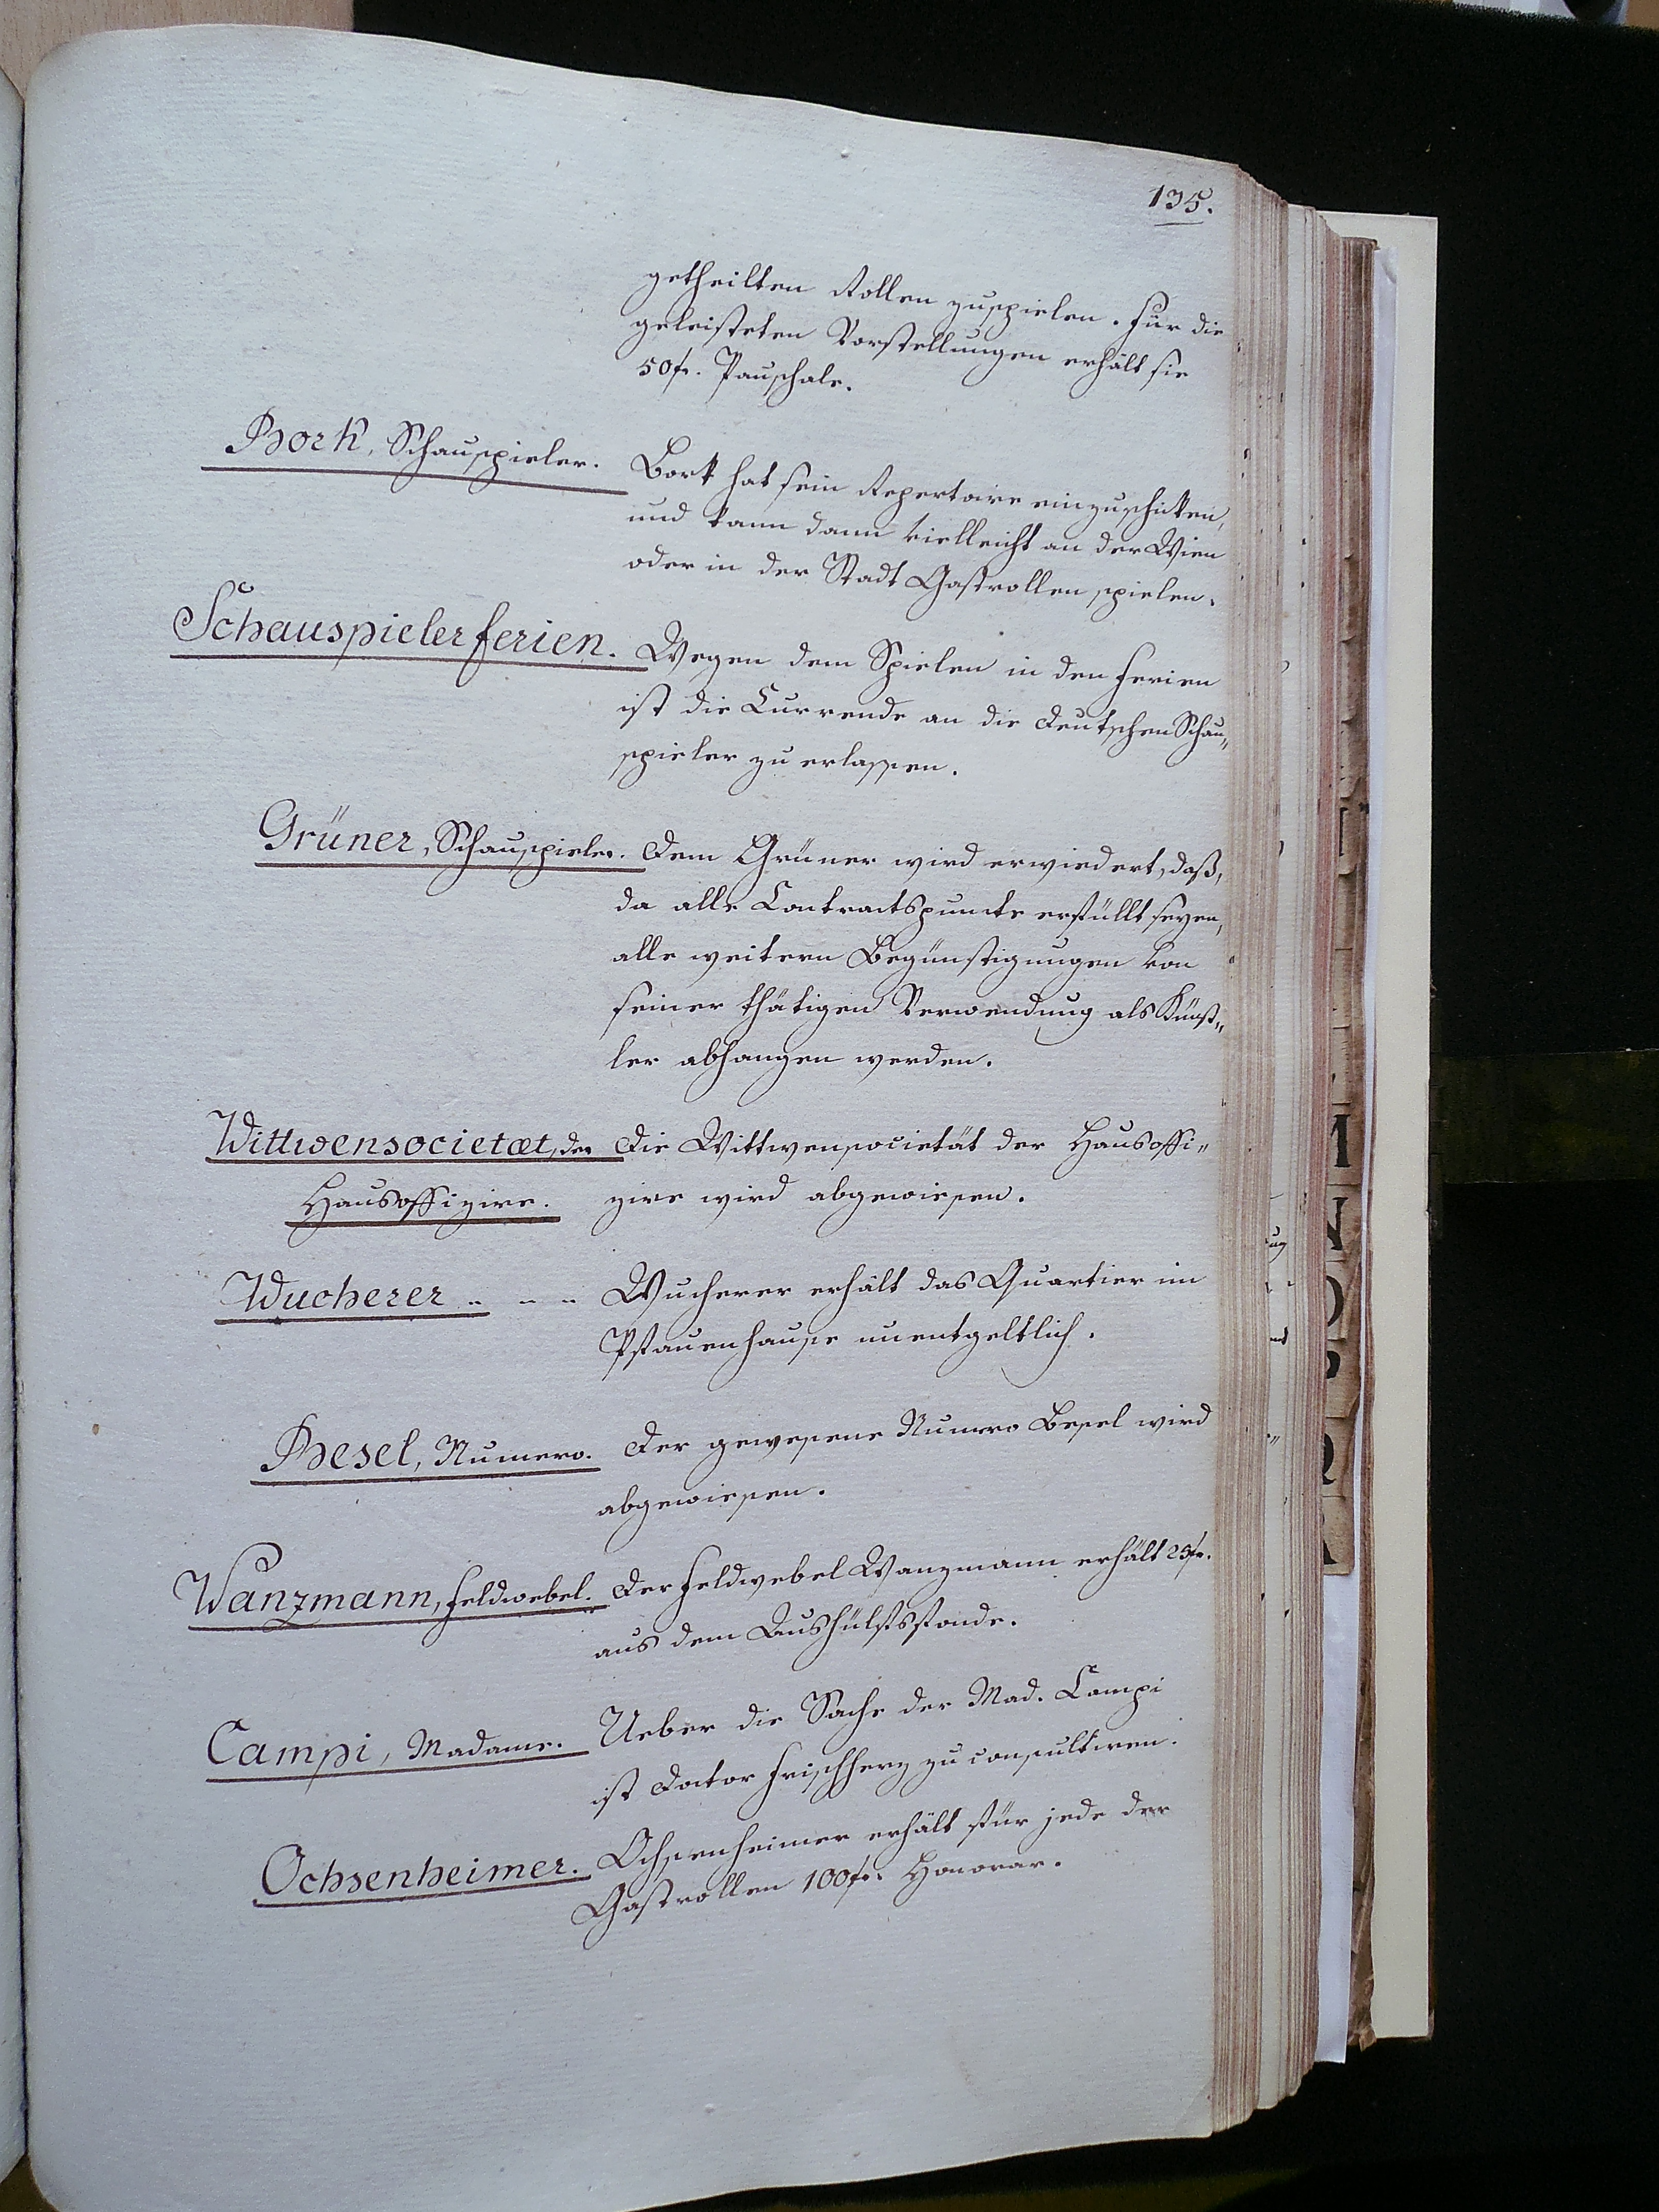135.
getheilten Rollen zuspielen. Für die¬
geleisteten Vorstellungen erhält sie
50fr. Pauschale.
Bork, Schauspieler. Bork hat sein Repertoire einzuschicken,
und kann dann vielleicht an der Wien
oder in der Stadt Gastrollen spielen.
Schauspielerferien. Wegen dem Spielen in den Ferien
ist die Currende an die Deutschen Schau¬
spieler zu erlassen.
Grüner, Schauspieler. Dem Grüner wird erwiedert, daß,
da alle Contractspuncte erfüllt seyen,
alle weitern Begünstigungen von
seiner thätigen Verwendung als Künst¬
ler abhangen werden.
Wittwensocietat, der
Hausoffiziere.
Die Wittwensocietät der Hausoffi¬
ziere wird abgewiesen.
Wucherer .. .. .. Wucherer erhält das Quartier im
Pfauenhause unentgeltlich.
Besel, Numero. Der gewesene Numero Besel wird
abgewiesen.
Wanzmann, Feldwebel. Der Feldgebel Wanzmann erhält 25fr.
aus dem Aushülfsfonde.
Campi, Madame. Ueber die Sache der Mad. Campi
ist Doctor Frischherz zu consultiren.
Ochsenheimer. Ochsenheimer erhält für jede der
Gastrollen 100fr. Honorar.